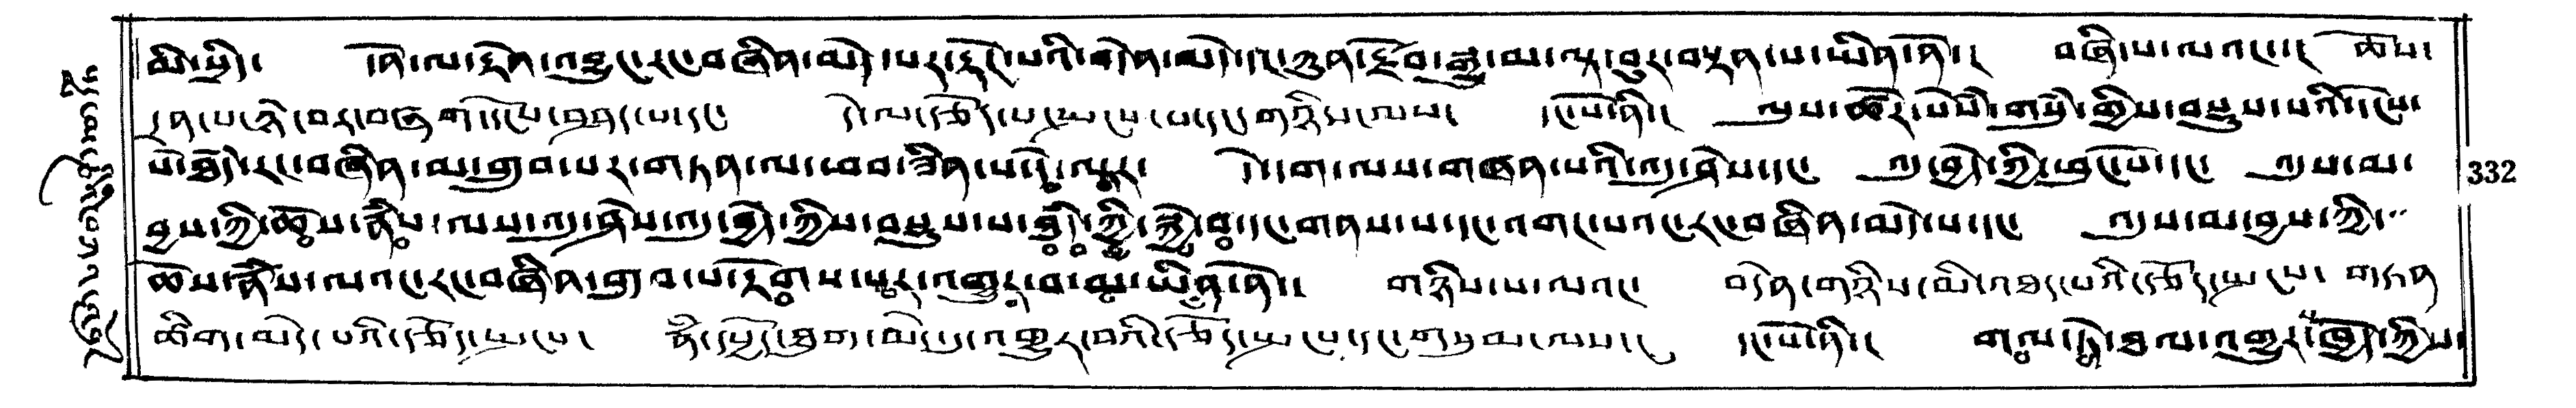མི་སྲིད། དོན་ལ་རྟེན་འབྱུང་རང་བཞིན་མེད་པར་རྟོགས་པའི་བདེན་མེད་དང་ཀུན་རྫོབ་སྒྱུ་མ་ལྟ་བུར་བསྟན་པ་ཡིན་ནོ།། བཞི་པ་ལའང་། ཆོས་
དྲན་པ་ཉེ་བར་བཞག་པ་དངོས་བཤད་པ་དང་། དེ་ལ་རྩོད་པ་སྤང་པ་དང་གཉིས་ལས། དང་པོ་ནི། ལུས་ཚོར་སེམས་གསུམ་གྱིས་བསྡུས་པའི་དངོས་
པོ་ཐམས་ཅད་རང་བཞིན་མ་གྲུབ་པར་གཏན་ལ་ཕབ་ཟིན་པ་དེ་ལྟར། དེ་དག་ལས་གཞན་པའི་འདུ་ཤེས་དང་། འདུ་བྱེད་ཀྱི་ཕུང་པོ་དང་། འདུས་མ་
བྱས་ཀྱི་ཆོས་རྣམས་ལས་འདུ་ཤེས་འདུ་བྱེད་ཀྱིས་བསྡུས་པ་ཐམས་ཅད་ཀྱི་སྐྱེ་བ་དང་གནས་པ་དང་འགགས་པའང་རང་བཞིན་མེད་པ་དང་། འདུས་མ་བྱས་ཀྱི་
ཆོས་རྣམས་ལའང་རང་བཞིན་གྱིས་གྲུབ་པ་རྟོགས་པར་འགྱུར་བ་མ་ཡིན་ནོ།། གཉིས་པ་ལའང་། བདེན་གཉིས་མི་འཐད་པའི་རྩོད་སྤོང་། གཏན་
ཚིགས་མེད་པའི་རྩོད་སྤོང་། རྣམ་དཔྱོད་ཐུག་མེད་དུ་འགྱུར་བའི་རྩོད་སྤོང་དང་གསུམ་ལས། དང་པོ་ནི། གལ་ཏེ་ཐལ་འགྱུར་བ་ཁྱོད་ཀྱིས་